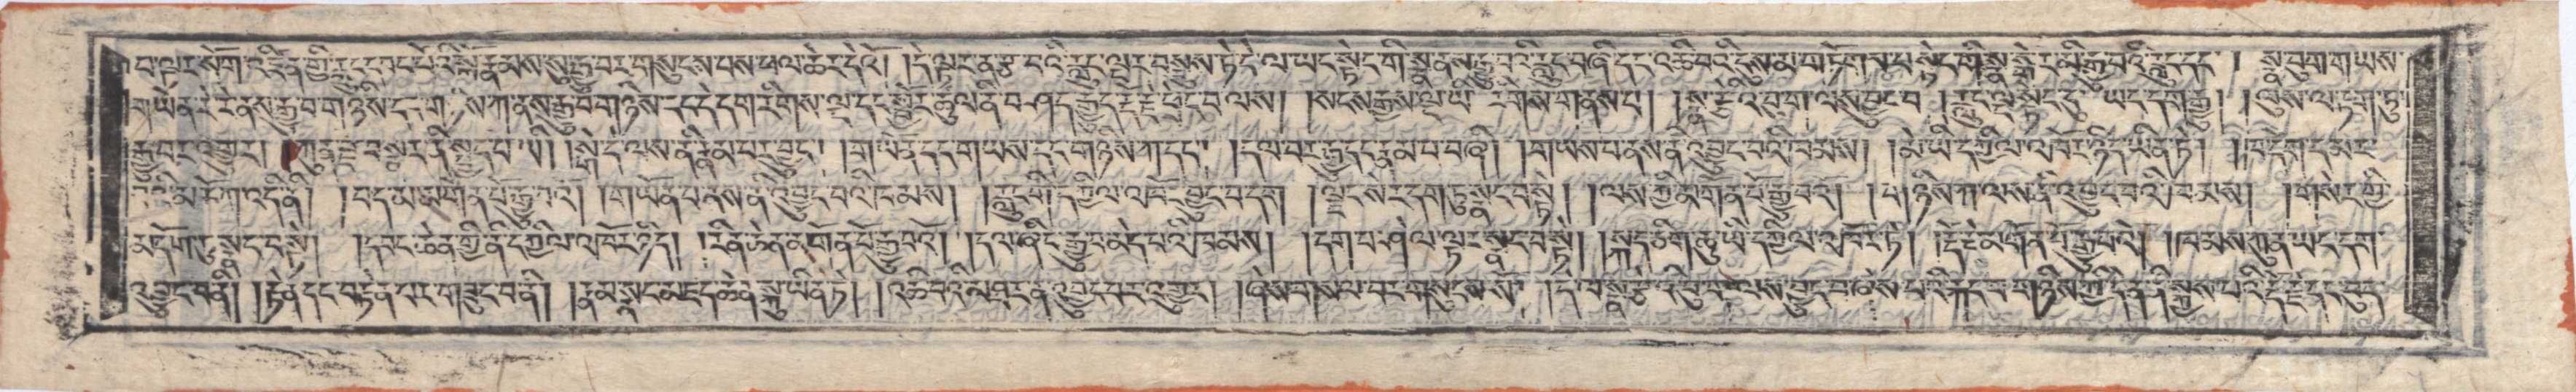པ་ལྟར་སོག་འཛིན་གྱི་རླུང་དབང་པོའི་སྒོ་རྣམས་སུ་རྒྱུ་བར་གསུངས་པས་ཕལ་ཆེར་དེའོ། །དེ་ལྟར་ན་རྩ་བའི་རླུང་ལྔར་བསྡུས་ཏེ་དེ་ལ་ཡང་སྟེང་གི་སྣ་ནས་རྒྱུ་བའི་རླུང་བཞི་དང་འཆི་བའི་དུས་མ་གཏོགས་པ་སྟེང་གི་སྣ་སྒོར་མི་རྒྱུ་བའི་རླུང་དང་། སྣ་བུག་གཡས་
གཡོན་རེ་རེ་ནས་རྒྱུ་བ་གཉིས་དང་གཉིས་ཀ་ནས་རྒྱུ་བོ་གཉིས་དང་དེ་དག་རིགས་ལྔ་དང་སྦྱོར་ཚུལ་ནི་བཤད་རྒྱུད་རྡོ་རྗེ་ཕྲེང་བ་ལས། །སངས་རྒྱས་ལྔ་ཡི་རིགས་གནས་པ། །སྣ་རྩེའི་བུ་ག་ལས་བྱུང་བ། །རླུང་ལྔ་སྟེང་དུ་ཡང་དག་རྒྱུ། །ལུས་ལ་རྟག་ཏུ་
རྒྱུ་བར་འགྱུར། །ཀུན་རྫོབ་སྣར་ནི་སྤྱོད་པ་ཡི། །སྒོ་དེ་ལས་ནི་རྣམ་པར་བྱུང་། །གཡོན་དང་གཡས་དང་གཉིས་ཀ་དང་། །དལ་བར་རྒྱུ་དང་རྣམ་པ་བཞི། །གཡས་པ་ནས་ནི་འབྱུང་བའི་ཁམས། །མེ་ཡི་དཀྱིལ་འཁོར་ཉིད་ཡིན་ཏེ། །ཁ་དོག་དམར་
བའི་མཆོག་འདི་ནི། །པད་མ་མགོན་པོ་རྒྱུ་བའོ། །གཡོན་པ་ནས་ནི་འབྱུང་བའི་ཁམས། །རླུང་གི་དཀྱིལ་འཁོར་བྱུང་བ་དག །ལྗང་སེར་དག་ཏུ་སྣང་བ་སྟེ། །ལས་ཀྱི་མགོན་པོ་རྒྱུ་བའོ། །གཉིས་ཀ་ལས་ནི་འབྱུང་བའི་ཁམས། །གསེར་གྱི་
མདོག་ཏུ་སྣང་བ་སྟེ། །དབང་ཆེན་གྱི་ནི་དཀྱིལ་འཁོར་ཉིད། །རིན་ཆེན་མགོན་པོ་རྒྱུ་བའོ། །དལ་ཞིང་རྒྱུ་བ་མེད་པའི་ཁམས། །དག་པ་ཤེལ་ལྟར་སྣང་བ་སྟེ། །སྐད་ཅིག་ཆུ་ཡི་དཀྱིལ་འཁོར་ཏེ། །རྡོ་རྗེ་མགོན་པོ་རྒྱུ་བའོ། །ཁམས་ཀུན་ཡང་དག་
འབྱུང་བ་ནི། །རྟེན་དང་བརྟེན་པར་གཟུང་བ་ནི། །རྣམ་སྣང་མཛད་ཆེན་སྐུ་ཡིན་ཏེ། །འཆི་བའི་མཐར་ན་འབྱུང་པར་འགྱུར། །ཞེས་གསལ་བར་གསུངས་སོ། །དེ་ལ་སྣ་རྩེའི་བུ་ག་ལས་བྱུང་བ་ཞེས་པའི་རྐང་པ་གཉིས་ཀྱི་དོན་ནི་སྐྱེས་པའི་རྡོ་རྗེ་དང་བུད་